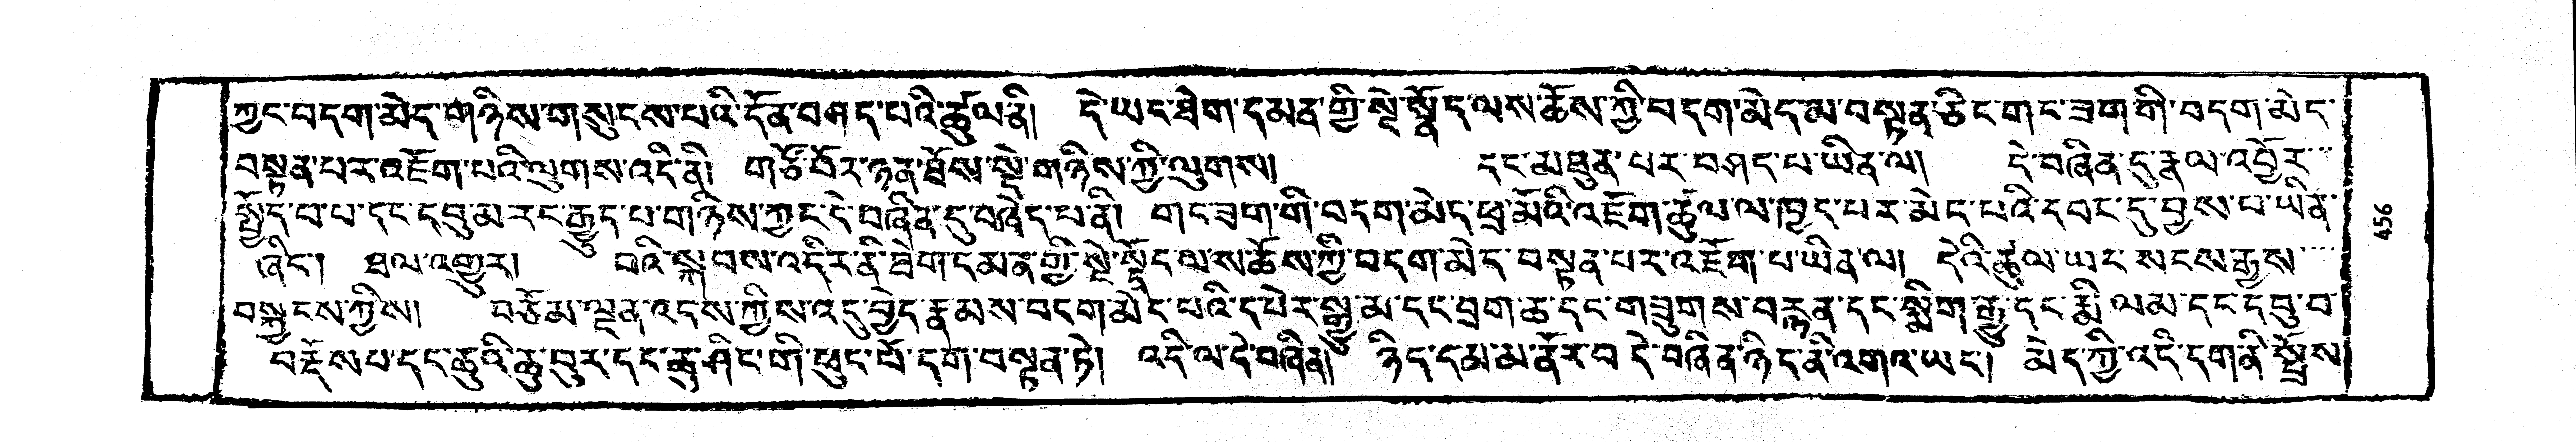ཀྱང་བདག་མེད་གཉིས་གསུངས་པའི་དོན་བཤད་པའི་ཚུལ་ནི། དེ་ཡང་ཐེག་དམན་གྱི་སྡེ་སྣོད་ལས་ཆོས་ཀྱི་བདག་མེད་མ་བསྟན་ཅིང་གང་ཟག་གི་བདག་མེད་
བསྟན་པར་འཇོག་པའི་ལུགས་འདི་ནི། གཙོ་བོར་ཉན་ཐོས་སྡེ་གཉིས་ཀྱི་ལུགས། དང་མཐུན་པར་བཤད་པ་ཡིན་ལ། དེ་བཞིན་དུ་རྣལ་འབྱོར་
སྤྱོད་བ་པ་དང་དབུ་མ་རང་རྒྱུད་པ་གཉིས་ཀྱང་དེ་བཞིན་དུ་བཞེད་པ་ནི། གང་ཟག་གི་བདག་མེད་ཕྲ་མོའི་འཇོག་ཚུལ་ལ་ཁྱད་པར་མེད་པའི་དབང་དུ་བྱས་པ་ཡིན་
ཞིང་། ཐལ་འགྱུར། བའི་སྐབས་འདིར་ནི་ཐེག་དམན་གྱི་སྡེ་སྡོང་ལས་ཆོས་ཀྱི་བདག་མེད་བསྟན་པར་འཇོག་པ་ཡིན་ལ། དེའི་ཚུལ་ཡང་སངས་རྒྱས་
བསྐྱངས་ཀྱིས། བཅོམ་ལྡན་འདས་ཀྱིས་འདུ་བྱེད་རྣམས་བདག་མེད་པའི་དཔེར་སྒྱུ་མ་དང་བྲག་ཆ་དང་གཟུགས་བརྙན་དང་སྨིག་རྒྱུ་དང་རྨི་ལམ་དང་དབུ་བ་
བརྡོས་པ་དང་ཆུའི་ཆུ་བུར་དང་ཆུ་ཤིང་གི་ཕུང་པོ་དག་བསྟན་ཏེ། འདི་ལ་དེ་བཞིན། ཉིད་དམ་མ་ནོར་བ་དེ་བཞིན་ཉིད་ནི་འགའ་ཡང་། མེད་ཀྱི་འདི་དག་ནི་སྤྲོས་